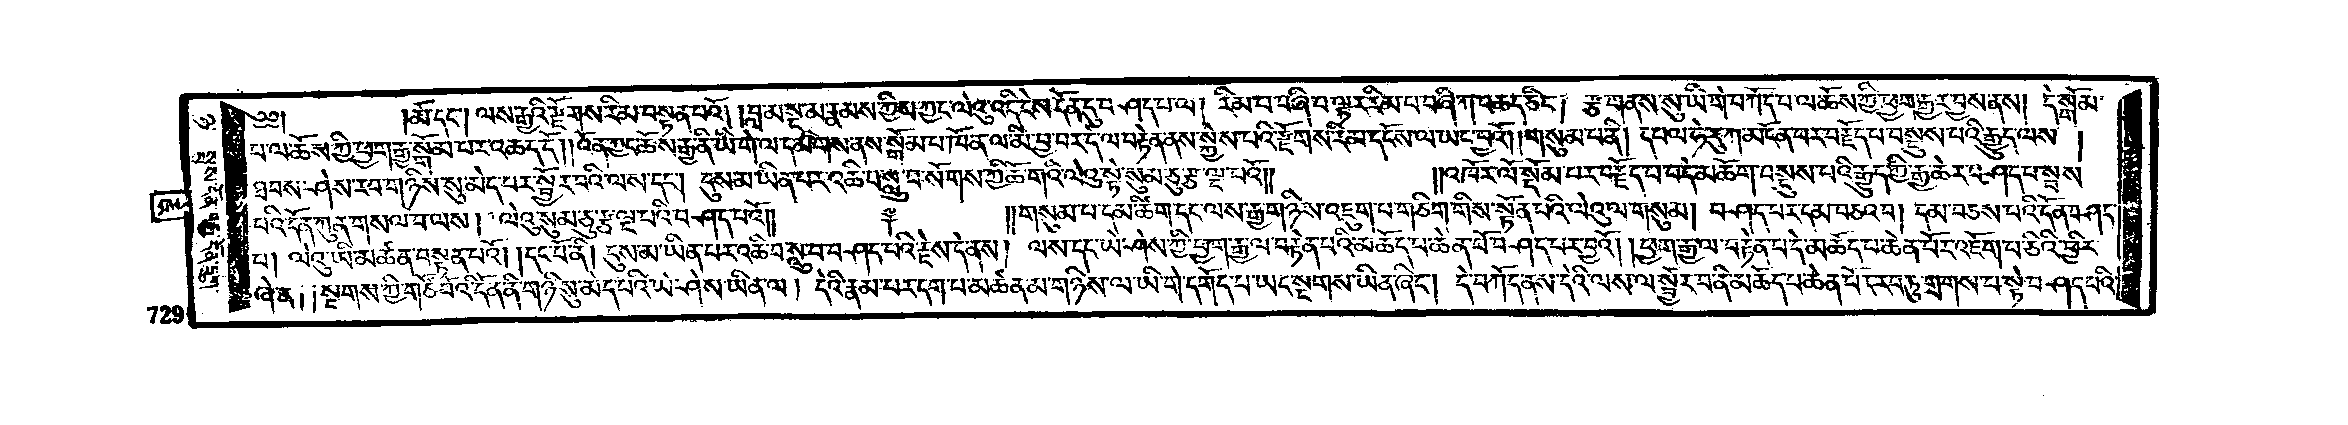༄༅། །མོ་དང་། ལས་རྒྱའི་རྫོགས་རིམ་བསྟན་པའོ། །བླ་མ་སྔ་མ་རྣམས་ཀྱིས་ཀྱང་ལེའུ་འདི་ངེས་དོན་དུ་བཤད་པ་ལ། རིམ་པ་བཞི་པ་ལྟར་རིམ་པ་བཞི་ཀ་འཆད་ཅིང་། རྩ་གནས་སུ་ཡི་གེ་བཀོད་པ་ལ་ཆོས་ཀྱི་ཕྱག་རྒྱར་བྱས་ནས། དེ་སྒོམ་
པ་ལ་ཆོས་ཀྱི་ཕྱག་རྒྱ་སྒོམ་པར་འཆད་དོ། །འོན་ཀྱང་ཆོས་རྒྱ་ནི་ཡི་གེ་ལ་དམིགས་ནས་སྒོམ་པ་ཁོ་ན་ལ་མི་བྱ་བར་དེ་ལ་བརྟེན་ནས་སྐྱེས་པའི་རྫོགས་རིམ་དངོས་ལ་ཡང་བྱའོ། །གསུམ་པ་ནི། དཔལ་ཧེ་རུ་ཀ་མངོན་པར་བརྗོད་པ་བསྡུས་པའི་རྒྱུད་ལས།
ཐབས་ཤེས་རབ་གཉིས་སུ་མེད་པར་སྦྱོར་བའི་ལས་དང་། དུས་མ་ཡིན་པར་འཆི་བ་སླུ་བ་སོགས་ཀྱི་ཆོ་གའི་ལེའུ་སྟེ་སུམ་ཅུ་རྩ་ལྔ་པའོ།། །།འཁོར་ལོ་སྡོམ་པར་བརྗོད་པ་བདེ་མཆོག་བསྡུས་པའི་རྒྱུད་ཀྱི་རྒྱ་ཆེར་བཤད་པ་སྦས་
པའི་དོན་ཀུན་གསལ་བ་ལས། །ལེའུ་སུམ་ཅུ་རྩ་ལྔ་པའི་བཤད་པའོ།། ༈ །།གསུམ་པ་དམ་ཚིག་དང་ལས་རྒྱ་གཉིས་འཇུག་པ་གཅིག་གིས་སྟོན་པའི་ལེའུ་ལ་གསུམ། བཤད་པར་དམ་བཅའ་བ། དམ་བཅས་པའི་དོན་བཤད་
པ། ལེའུ་ཡི་མཚན་བསྟན་པའོ། །དང་པོ་ནི། དུས་མ་ཡིན་པར་འཆི་བ་སླུ་བ་བཤད་པའི་རྗེས་དེ་ནས། ལས་དང་ཡེ་ཤེས་ཀྱི་ཕྱག་རྒྱ་ལ་བརྟེན་པའི་མཆོད་པ་ཆེན་པོ་བཤད་པར་བྱའོ། །ཕྱག་རྒྱ་ལ་བརྟེན་པ་དེ་མཆོད་པ་ཆེན་པོར་འཇོག་པ་ཅིའི་ཕྱིར་
ཞེ་ན། སྔགས་ཀྱི་གཙོ་བོའི་དོན་ནི་གཉིས་སུ་མེད་པའི་ཡེ་ཤེས་ཡིན་ལ། དེའི་རྣམ་པར་དག་པ་མཚན་མ་གཉིས་ལ་ཡི་གེ་དགོད་པ་ཡང་སྔགས་ཡིན་ཞིང་། དེ་བཀོད་ནས་དེའི་ལས་ལ་སྦྱོར་བ་ནི་མཆོད་པ་ཆེན་པོར་རབ་ཏུ་གྲགས་པ་སྟེ་བཤད་པའི་